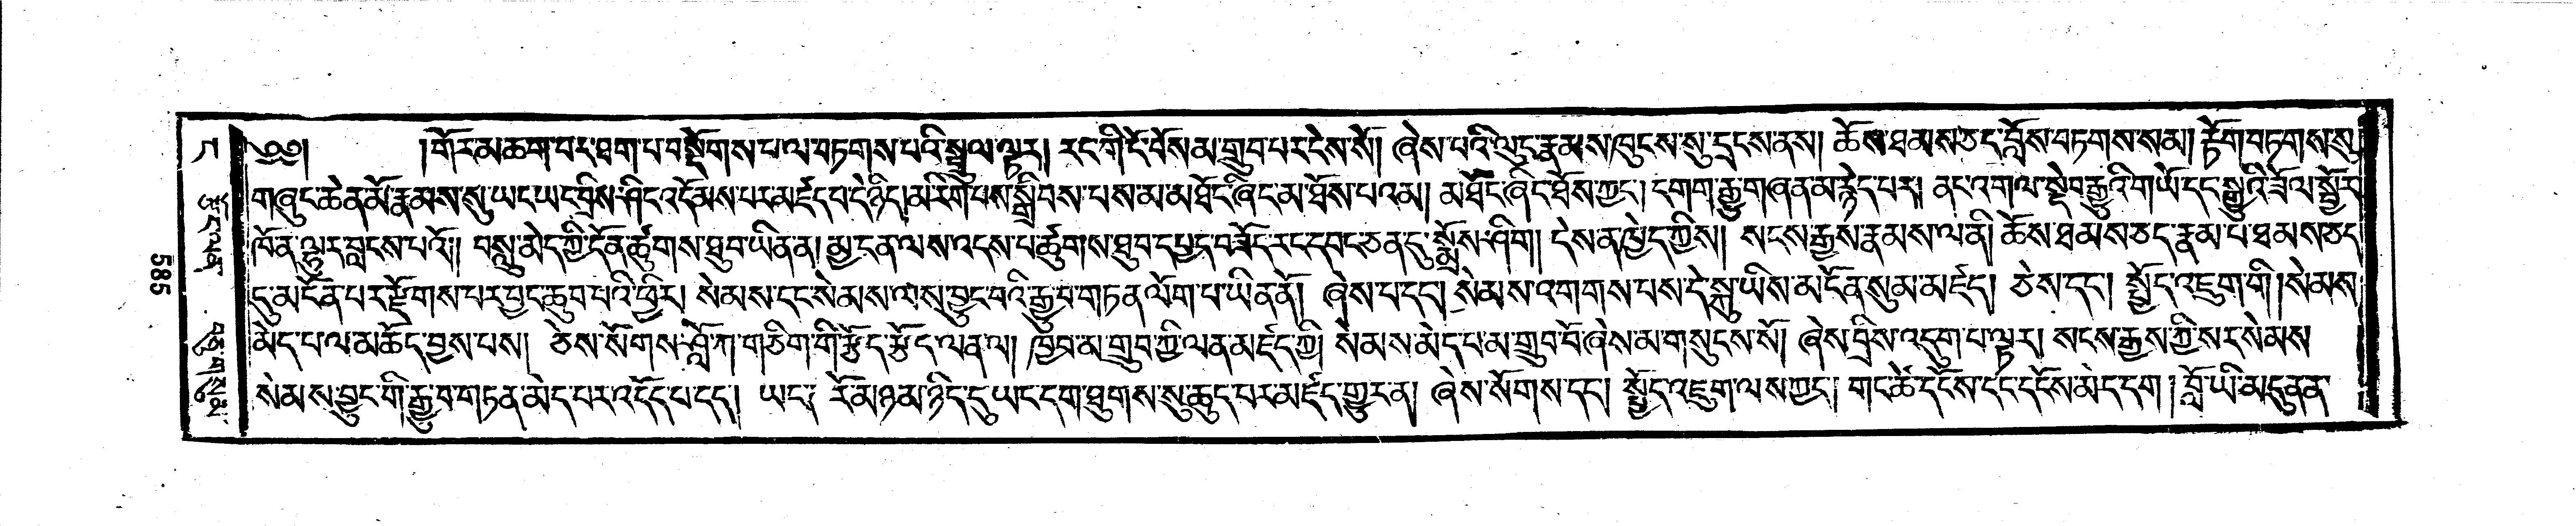༄༅། །གོར་མ་ཆག་པར་ཐག་པ་བསྡོགས་པ་ལ་བཏགས་པའི་སྦྲུལ་ལྟར། རང་གི་ངོ་བོས་མ་གྲུབ་པར་ངེས་སོ། ཞེས་པའི་ལུང་རྣམས་ཁུངས་སུ་དྲངས་ནས། ཆོས་ཐམས་ཅད་བློས་བཏགས་སམ། རྟོག་བཏགས་སུ་
གཞུང་ཆེན་མོ་རྣམས་སུ་ཡང་ཡང་བྲིས་ཤིང་འདོམས་པར་མཛད་པ་དེ་ཉིད། མ་རིག་པས་སྒྲིབས་པས་མ་མཐོང་ཞིང་མ་ཐོས་པའམ། མཐོང་ཞིང་ཐོས་ཀྱང་། དགག་རྒྱུ་གཞན་མ་རྙེད་པར། ནང་འགལ་སྡེབ་རྒྱུའི་གཡོ་དང་སྒྱུའི་ཟོལ་སྦྱོར་
ཁོ་ན་ལྷུར་བླངས་པའོ། །བསླུ་མེད་ཀྱི་དོན་ཚུགས་ཐུབ་ཡིན་ན། མྱ་ངན་ལས་འདས་པ་ཚུགས་ཐུབ་དཔྱད་བཟོད་རང་དབང་ཅན་དུ་སྨྲོས་ཤིག །དེས་ན་ཁྱེད་ཀྱིས། སངས་རྒྱས་རྣམས་ལ་ནི། ཆོས་ཐམས་ཅད་རྣམ་པ་ཐམས་ཅད་
དུ་མངོན་པར་རྫོགས་པར་བྱང་ཆུབ་པའི་ཕྱིར། སེམས་དང་སེམས་ལས་བྱུང་བའི་རྒྱུ་བ་གཏན་ལོག་པ་ཡིན་ནོ། ཞེས་པ་དང་། སེམས་འགགས་པས་དེ་སྐུ་ཡིས་མངོན་སུམ་མཛད། ཅེས་དང་། སྤྱོད་འཇུག་གི །སེམས་
མེད་པ་ལ་མཆོད་བྱས་པས། ཅེས་སོགས་ཤློ་ཀ་གཅིག་གི་རྩོད་རྩོད་ལན་ལ། ཁྱབ་མ་གྲུབ་ཀྱི་ལན་མཛད་ཀྱི། སེམས་མེད་པ་མ་གྲུབ་བོ་ཞེས་མ་གསུངས་སོ། ཞེས་བྲིས་འདུག་པ་ལྟར། སངས་རྒྱས་ཀྱི་སར་སེམས་
སེམས་བྱུང་གི་རྒྱུ་བ་གཏན་མེད་པར་འདོད་པ་དང་། ཡང་། རོ་མཉམ་ཉིད་དུ་ཡང་དག་ཐུགས་སུ་ཆུད་པར་མཛད་གྱུར་ན། ཞེས་སོགས་དང་། སྤྱོད་འཇུག་ལས་ཀྱང་། གང་ཚེ་དངོས་དང་དངོས་མེད་དག །བློ་ཡི་མདུན་ན་